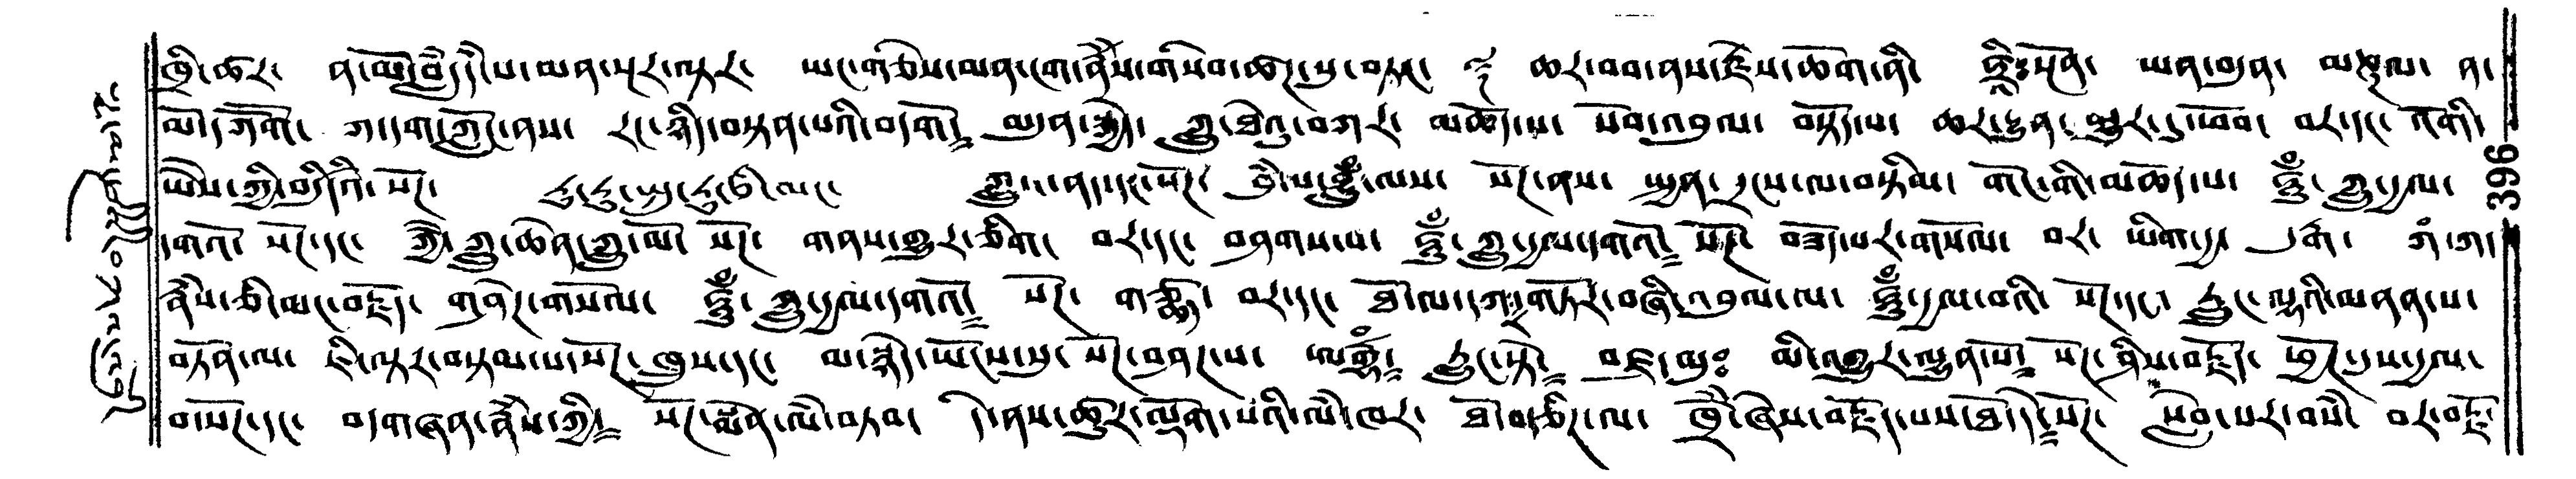ཁྲི་ཚར། ན་མོ། བླ་མ་དམ་པ་མན༴ སྔར་ལྟར། ཡང་གཅེས་མན་ངག་རྣམས་གསེབ་ཚགས་སུ་བཏང་། ༈ ཆར་བབས་ནས་རྗེས་ཆོག་ནི། ཧྲཱིཿསྔོན༴ ཡན་བདུན། མཎྜལ། ན་
མོ༔དཀོན་མཆོག༴ ཀ་དག་ཀློང་ནས༴ རང་ཉིད་བསྟན་པའི་བདག་པོ༴ མདུན་སྐྱེད། ཀླུ་ཐེའུ་བཀར། མཆོད་པ། སོབ་འབུལ། བསྟོད་པ། ཆར་རྒྱུན། མྱུར་དུ་ཕོབ། བར་དང་། འོག་གི་
ཡེཤེས་ཀྱི་བདུད་རྩིའི༴ སོགས། རུ་རུ་ཕུ་རུ༴ ཅི་མང་། ཀླུའི་ནད་དང༴ སོགས། བུམ་པ་བྷྲུྃ་ལས༴ སོགས་ནས། སྤྱན་དྲངས་ལ་བསྟིམ།གོང་གི་མཆོད་པ། ཧཱུྃ། ཀླུ་རྒྱལ་
དགའ་བོ༴ སོགས་དང་། ཀྱཻ། ཀླུ་ཆེན་ཀླུ་མོ༴ སོགས། གནས་གྱུར་ཅིག བར་དང་། བཤགས་པ། ཧཱུྃ། ཀླུ་རྒྱལ་དགའ་བོ༴ སོགས། བཟོད་པར་གསོལ། བར། ཡིག་རྒྱ། དུརྒ༴ ཀཾ་ཀ༴ 
རྣམས་ཅི་མང་བརྗོད། གཤེགས་གསོལ། ཧཱུྃ། ཀླུ་རྒྱལ་དགའ་བོ༴ སོགས། གཙྪ༴ བར་དང་། ཐོ་ལ་དཀར་གཏོར་བཞི་འཕུལ་ལ། ཧཱུྃ། རྒྱལ་བའི༴ སོགས་དང་། རླུང་ལྷའི་མནན་པ་
བཏོན་ལ། ཇི་ལྟར་བལྟམས་པ༴ སོགས་ཁྲུས་དང་། མ་སྙེད་ཡོངས་སུ༴ སོགས་བཤགས་པ། ཨརྒྷཾ༴ རླུང་སྟེ༴ བཛྲ་མུཿ མི་འགྱུར་ལྷུན་པོ༴ སོགས་ཤིས་བརྗོད། ཕྱོགས་དུས་རྒྱལ་
བ༴ སོགས་དང་། བདག་གཞན་རྣམས་ཀྱི༴ སོགས་སྨོན་ལམ་བཏབ། དེ་ནས་ཚུར་ལྡོག་པའི་ལམ་ཁར། ཐོ་བརྩིགས་ལ། ཁྲོམ་ཞེས་བརྗོད་པས་ཐོ་དེ༴ སོགས། སླེབ་པར་བསམ། བར་བརྗོད་